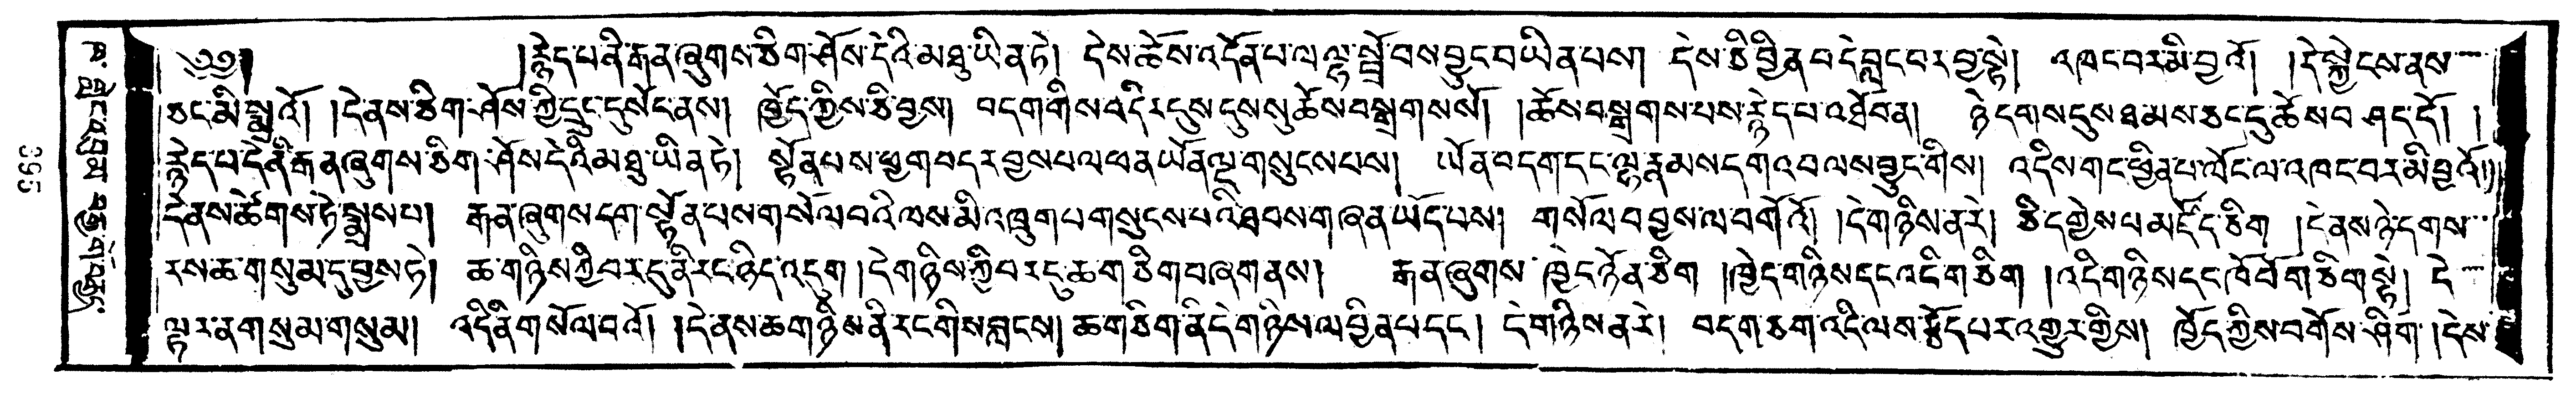༄༅། །རྙེད་པ་ནི་རྒན་ཞུགས་ཅིག་ཤོས་དེའི་མཐུ་ཡིན་ཏེ། དེས་ཆོས་འདོན་པ་ལ་ལྷ་སྤྲོ་བས་བྱུང་བ་ཡིན་པས། དེས་ཅི་བྱིན་བདེ་བླང་བར་བྱ་སྟེ། འཁང་བར་མི་བྱའོ། །དེ་སྐྱེངས་ནས་
ཅང་མི་སྨྲའོ། །དེ་ནས་ཅིག་ཤོས་ཀྱི་དྲུང་དུ་སོང་ནས། ཁྱོད་ཀྱིས་ཅི་བྱས། བདག་གིས་འདིར་དུས་དུས་སུ་ཆོས་བསྒྲགས་སོ། །ཆོས་བསྒྲགས་པས་རྙེད་པ་འཐོབ་ན། ཉེ་དགས་དུས་ཐམས་ཅད་དུ་ཆོས་བཤད་དོ། །
རྙེད་པ་དེ་ནི་རྒན་ཞུགས་ཅིག་ཤོས་དེའི་མཐུ་ཡིན་ཏེ། སྟོན་པས་ཕྱག་བདར་བྱས་པ་ལ་ཕན་ཡོན་ལྔ་གསུངས་པས། ཡོན་བདག་དང་ལྷ་རྣམས་དགའ་བ་ལས་བྱུང་གིས། འདིས་གང་ཕྱིན་པ་ལོང་ལ་འཁང་བར་མི་བྱའོ།།
དེ་ནས་ཚེགས་ཏེ་སྨྲས་པ། རྒན་ཞུགས་དག་སྟོན་པས་གསོལ་བའི་ལས་མི་འཁྲུག་པ་གསུངས་པའི་ཐབས་གཞན་ཡོད་པས། གསོལ་བ་བྱས་ལ་བགོའོ། །དེ་གཉིས་ན་རེ། ཅི་དགྱེས་པ་མཛོད་ཅིག །དེ་ནས་ཉེ་དགས་
རས་ཆ་གསུམ་དུ་བྱས་ཏེ། ཆ་གཉིས་ཀྱི་བར་དུ་ནི་རང་ཉིད་འདུག །དེ་གཉིས་ཀྱི་བར་དུ་ཆ་གཅིག་བཞག་ནས། རྒན་ཞུགས་ཁྱེད་ཉོན་ཅིག །ཁྱེད་གཉིས་དང་འདི་གཅིག །འདི་གཉིས་དང་ཁོ་བོ་གཅིག་སྟེ། དེ་
ལྟར་ན་གསུམ་གསུམ། འདི་ནི་གསོལ་བའོ། །དེ་ནས་ཆ་གཉིས་ནི་རང་གིས་བླངས། ཆ་གཅིག་ནི་དེ་གཉིས་ལ་བྱིན་པ་དང་། དེ་གཉིས་ན་རེ། བདག་ཅག་འདི་ལས་རྩོད་པར་འགྱུར་གྱིས། ཁྱོད་ཀྱིས་བགོས་ཤིག །དེས་